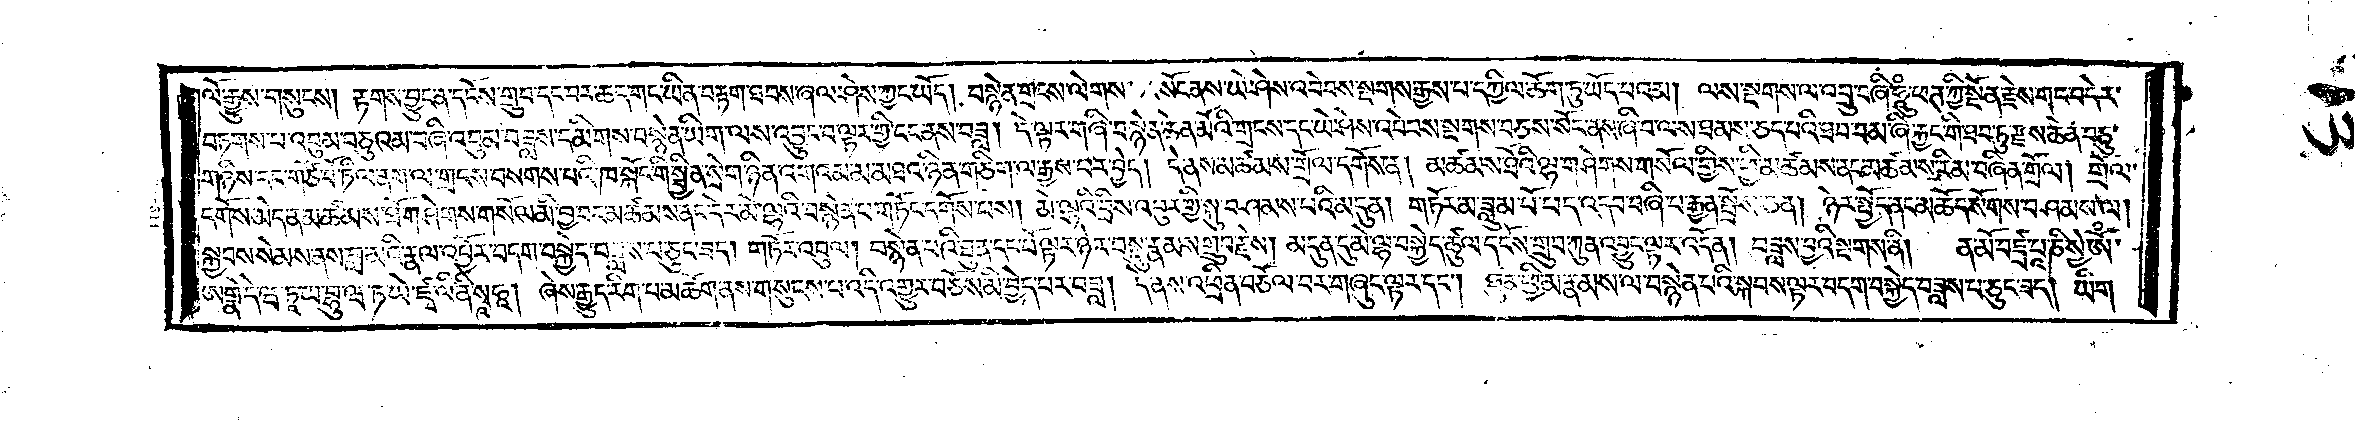ལོ་རྒྱུས་གསུངས། རྟགས་བྱུང་ན་དངོས་གྲུབ་དང་བར་ཆད་གང་ཡིན་བརྟག་ཐབས་ཞལ་ཤེས་ཀྱང་ཡོད། བསྙེན་གྲངས་ལེགས་པར་སོང་ནས་ཡེ་ཤེས་འབེབས་སྔགས་རྒྱས་པ་དཀྱིལ་ཆོག་ཏུ་ཡོད་པའམ། ལས་སྔགས་ལ་འབྲུ་བཞི་ཧཱུཾ་ཕཊ་ཀྱི་སྔོན་རྗེས་གང་བདེར་
བཏགས་པ་འབུམ་བཅུའམ་བཞི་འབུམ་བཟླས་དམིགས་བསྙེན་ཡིག་ལས་འབྱུང་བ་ལྟར་གྱི་ངང་ནས་བཟླ། དེ་ལྟར་གཞི་བསྙེན་ཆེན་མོའི་གྲངས་དང་ཡེ་ཤེས་འབེབས་སྔགས་བཅས་སོང་ནས་ཞི་བ་ལས་ཐམས་ཅད་པའི་ཐབ་བབ་ཞི་རྐྱང་གི་ཐབ་ཏུ་རྫས་ཆེན་བཅུ་
གཉིས་དང་གཙོ་བོ་ཏིལ་ནག་ལ་གྲངས་བསགས་པའི་ཁ་སྐོང་གི་སྦྱིན་སྲེག་ཉིན་འགའམ་མ་མཐའ་ཉིན་གཅིག་ལ་རྒྱས་བར་བྱེད། དེ་ནས་མཚམས་གྲོལ་དགོས་ན། མཚམས་ཐོའི་ལྷ་གཤེགས་གསོལ་གྱིས་ཕྱི་མཚམས་ནང་མཚམསས་རིམ་བཞིན་གྲོལ། གྲོལ་
དགོས་མེད་ན་མཚམས་ཐོ་གཤེགས་གསོལ་མི་བྱ་བར་མཚམས་ནང་དེར་མེ་ལྷའི་བསྙེན་པ་གཏོང་དགོས་པས། མེ་ལྷའི་བྲིས་འབུར་གྱི་སྐུ་བཤམས་པའི་མདུན། གཏོར་མ་ཟླུམ་པོ་པད་འདབ་བཞི་པ་རྒྱན་སྤྲོས་ཅན། ཉེར་སྤྱོད་ནང་མཆོད་སོགས་བཤམས་ལ།
སྐྱབས་སེམས་ནས་བླ་མའི་རྣལ་འབྱོར་བདག་བསྐྱེད་བཟླས་པ་ཅུང་ཟད། གཏོར་འབུལ། བསྙེན་པའི་ཐུན་དང་པོ་ལྟར་ཉེར་བསྡུ་རྣམས་གྲུབ་རྗེས། མདུན་དུ་མེ་ལྷ་བསྐྱེད་ཚུལ་དངོས་གྲུབ་ཀུན་འབྱུང་ལྟར་འདོན། བཟླས་བྱའི་སྔགས་ནི། ན་མོ་བཛྲ་པཱ་ཎི་སྱེ་ཨོཾ་
ཨགནེ་དེ་ཝ་ཏཱ་ཡ་བྷུ་ཝ་ཏ་ཡེ་ཛྭ་ལི་ནི་སྭཱ་ཧཱ། ཞེས་རྒྱུད་རིག་པ་མཆོག་ནས་གསུངས་པ་འདི་འགྱུར་བཅོས་མི་བྱེད་པར་བཟླ། དེ་ནས་འཕྲིན་བཅོལ་བར་གཞུང་ལྟར་དང་། ཐུན་ཕྱི་མ་རྣམས་ལ་བསྙེན་པའི་སྐབས་ལྟར་བདག་བསྐྱེད་བཟླས་པ་ཅུང་ཟད། ཡིག་